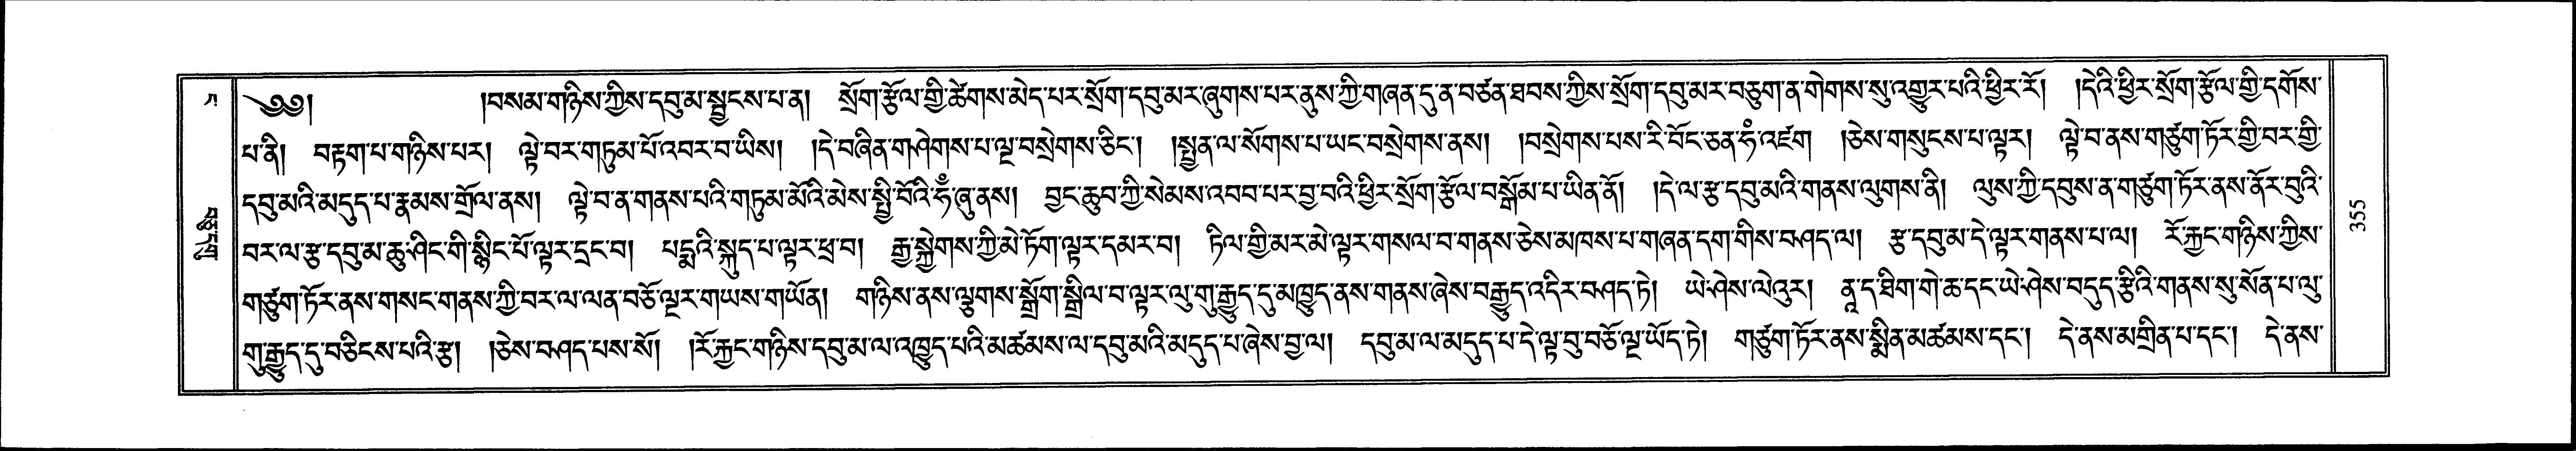༄༅། །བསམ་གཉིས་ཀྱིས་དབུ་མ་སྦྱངས་པ་ན། སྲོག་རྩོལ་གྱི་ཚེགས་མེད་པར་སྲོག་དབུ་མར་ཞུགས་པར་ནུས་ཀྱི་གཞན་དུ་ན་བཙན་ཐབས་ཀྱིས་སྲོག་དབུ་མར་བཅུག་ན་གེགས་སུ་འགྱུར་པའི་ཕྱིར་རོ། །དེའི་ཕྱིར་སྲོག་རྩོལ་གྱི་དགོས་
པ་ནི། བརྟག་པ་གཉིས་པར། ལྟེ་བར་གཏུམ་པོ་འབར་བ་ཡིས། །དེ་བཞིན་གཤེགས་པ་ལྔ་བསྲེགས་ཅིང་། །སྤྱན་ལ་སོགས་པ་ཡང་བསྲེགས་ནས། །བསྲེགས་པས་རི་བོང་ཅན་ཧཾ་འཛག །ཅེས་གསུངས་པ་ལྟར། ལྟེ་བ་ནས་གཙུག་ཏོར་གྱི་བར་གྱི་
དབུ་མའི་མདུད་པ་རྣམས་གྲོལ་ནས། ལྟེ་བ་ན་གནས་པའི་གཏུམ་མོའི་མེས་སྤྱི་བོའི་ཧཾ་ཞུ་ནས། བྱང་ཆུབ་ཀྱི་སེམས་འབབ་པར་བྱ་བའི་ཕྱིར་སྲོག་རྩོལ་བསྒོམ་པ་ཡིན་ནོ། །དེ་ལ་རྩ་དབུ་མའི་གནས་ལུགས་ནི། ལུས་ཀྱི་དབུས་ན་གཙུག་ཏོར་ནས་ནོར་བུའི་
བར་ལ་རྩ་དབུ་མ་ཆུ་ཤིང་གི་སྙིང་པོ་ལྟར་དྲང་བ། པདམའི་སྐུད་པ་ལྟར་ཕྲ་བ། རྒྱ་སྐྱེགས་ཀྱི་མེ་ཏོག་ལྟར་དམར་བ། ཏིལ་གྱི་མར་མེ་ལྟར་གསལ་བ་གནས་ཅེས་མཁས་པ་གཞན་དག་གིས་བཤད་ལ། རྩ་དབུ་མ་དེ་ལྟར་གནས་པ་ལ། རོ་རྐྱང་གཉིས་ཀྱིས་
གཙུག་ཏོར་ནས་གསང་གནས་ཀྱི་བར་ལ་ལན་བཅོ་ལྔར་གཡས་གཡོན། གཉིས་ནས་ལྕགས་སྒྲོག་སྒྲིལ་བ་ལྟར་ལུ་གུ་རྒྱུད་དུ་མཁྱུད་ནས་གནས་ཞེས་བརྒྱུད་འདིར་བཤད་ཏེ། ཡེ་ཤེས་ལེའུར། ནཱ་ད་ཐིག་གེ་ཆ་དང་ཡེ་ཤེས་བདུད་རྩིའི་གནས་སུ་སོན་པ་ལུ་
གུ་རྒྱུད་དུ་བཅིངས་པའི་རྩ། །ཅེས་བཤད་པས་སོ། །རོ་རྐྱང་གཉིས་དབུ་མ་ལ་འཁྱུད་པའི་མཚམས་ལ་དབུ་མའི་མདུད་པ་ཞེས་བྱ་ལ། དབུ་མ་ལ་མདུད་པ་དེ་ལྟ་བུ་བཅོ་ལྔ་ཡོད་ཏེ། གཙུག་ཏོར་ནས་སྨིན་མཚམས་དང་། དེ་ནས་མགྲིན་པ་དང་། དེ་ནས་